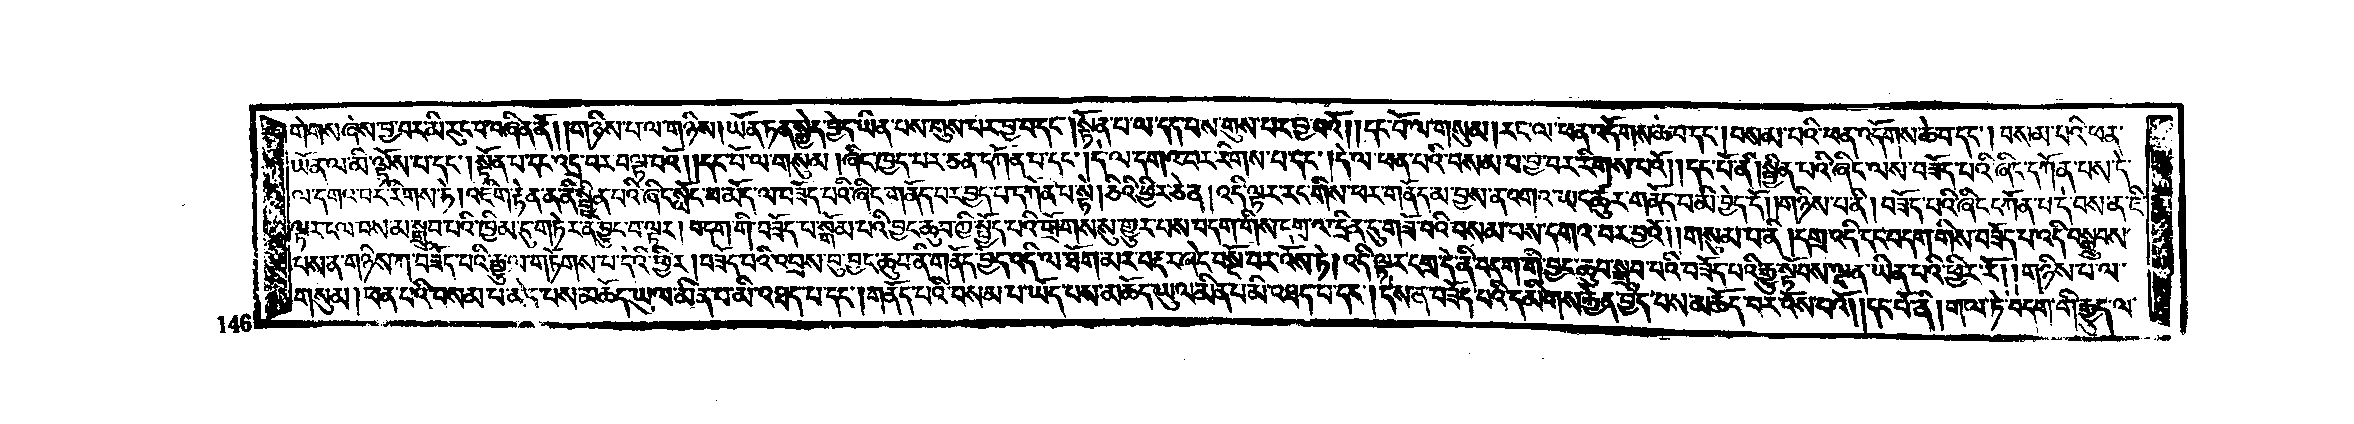གེགས་ཞེས་བྱ་བར་མི་རུང་བ་ཞིན་ནོ། །གཉིས་པ་ལ་གཉིས། ཡོན་ཏན་སྐྱེད་བྱེད་ཡིན་པས་གུས་པར་བྱ་བ་དང་། སྟོན་པ་ལ་དད་པས་གུས་པར་བྱ་བའོ། །དང་པོ་ལ་གསུམ། རང་ལ་ཕན་འདོགས་ཆེ་བ་དང་། བསམ་པའི་ཕན་འདོགས་ཆེ་བ་དང་། བསམ་པའི་ཕན་
ཡོན་ལ་མི་ལྟོས་པ་དང་། སྟོན་པ་དང་འདྲ་བར་བལྟ་བའོ། །དང་པོ་ལ་གསུམ། ཞིང་ཁྱད་པར་ཅན་དཀོན་པ་དང་། དེ་ལ་དགའ་བར་རིགས་པ་དང་། དེ་ལ་ཕན་པའི་བསམ་པ་བྱ་བར་རིགས་པའོ། །དང་པོ་ནི་སྦྱིན་པའི་ཞིང་ལས་བཟོད་པའི་ཞིང་དཀོན་པས་དེ་
ལ་དགའ་བར་རིགས་ཏེ། འཇིག་རྟེན་ན་ནི་སྦྱིན་པའི་ཞིང་སློང་ཕ་མོད་ལ་བཟོད་པའི་ཞིང་གནོད་པར་བྱད་པ་དཀོན་པ་སྟེ། ཅི་ཕྱིར་ཅེ་ན། འདི་ལྟར་རང་གིས་ཕར་གནོད་མ་བྱས་ན་འགའ་ཡང་ཚུར་གནོད་པ་མི་བྱེད་དོ། །གཉིས་པ་ནི། བཟོད་པའི་ཞིང་དཀོན་པ་དེ་བས་ན་ཇི་
ལྟར་ངལ་བསམ་སྒྲུབ་པའི་ཁྱིམ་དུ་གཏེར་ན་བྱུང་བ་ལྟར། བདག་གི་བཟོད་པ་སྒོམ་པའི་བྱང་ཆུབ་ཀྱི་སྤྱོད་པའི་གྲོགས་སུ་གྱུར་པས་བདག་གིས་དགྲ་ལ་དྲིན་དུ་གཟོ་བའི་བསམ་པས་དགའ་བར་བྱའོ། །གསུམ་པ་ནི། དགྲ་འདི་དང་བདག་གིས་བཟོད་པ་འདི་བསྒྲུབས་
པས་ན་གཉིས་ཀ་བཟོད་པའི་རྒྱུ་ལ་གཏོགས་པ་དེའི་ཕྱིར། བཟོད་པའི་འབྲས་བུ་བྱང་ཆུབ་ནི་གནོད་བྱེད་འདི་ལ་ཐོག་མར་བརྡར་ཞེང་བསྔོ་བར་འོས་ཏེ། འདི་ལྟར་དགྲ་དེ་ནི་བདག་གི་བྱང་ཆུབ་སྒྲུབ་པའི་བཟོད་པའི་རྒྱུ་སྟོས་ལྡན་ཡིན་པའི་ཕྱིར་རོ། །གཉིས་པ་ལ་
གསུམ༑ ཕན་པའི་བསམ་པ་མེད་པས་མཆོད་ཡུལ་མིན་པ་མི་འཐད་པ་དང་། གནོད་པའི་བསམ་པ་ཡོད་པས་མཆོད་ཡུལ་མིན་པ་མི་འཐད་པ་དང་། དེས་ན་བཟོད་པའི་དམིགས་རྐྱེན་བྱེད་པས་མཆོད་པར་འོས་པའོ། །དང་པོ་ནི། གལ་ཏེ་བདག་གི་རྒྱུད་ལ་